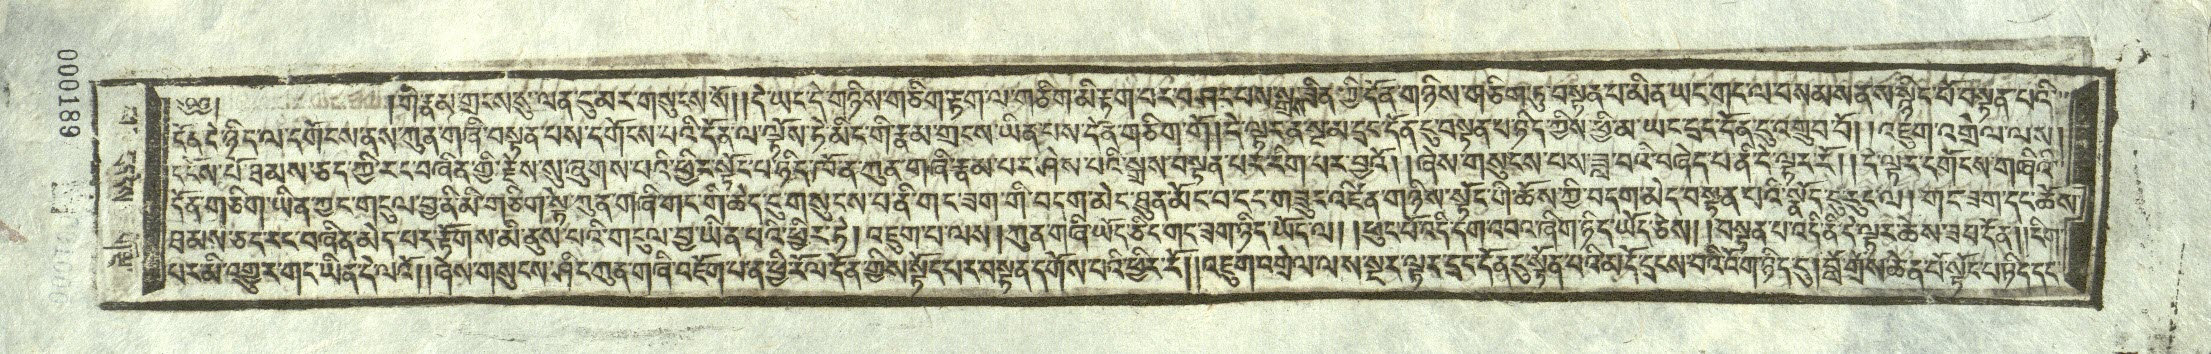༄༅། །གི་རྣམ་གྲངས་སུ་ལན་དུ་མར་གསུངས་སོ། །དེ་ཡང་དེ་གཉིས་གཅིག་རྟག་ལ་གཅིག་མི་རྟག་པར་བཤད་པས་སྒྲ་ཟིན་གྱི་དོན་གཉིས་གཅིག་ཏུ་བསྟན་པ་མིན་ཡང་གང་ལ་བསམས་ནས་སྙིང་པོ་བསྟན་པའི་
དོན་དེ་ཉིད་ལ་དགོངས་ནས་ཀུན་གཞི་བསྟན་པས་དགོངས་པའི་དོན་ལ་ལྟོས་ཏེ་མིང་གི་རྣམ་གྲངས་ཡིན་པས་དོན་གཅིག་གོ ། དེ་ལྟར་ན་སྔ་མ་དྲང་དོན་དུ་བསྟན་པ་ཉིད་ཀྱིས་ཕྱི་མ་ཡང་དྲང་དོན་དུ་འགྲུབ་བོ། །འཇུག་འགྲེལ་ལས།
དངོས་པོ་ཐམས་ཅད་ཀྱི་རང་བཞིན་གྱི་རྗེས་སུ་ཞུགས་པའི་ཕྱིར་སྟོང་པ་ཉིད་ཁོ་ན་ཀུན་གཞི་རྣམ་པར་ཤེས་པའི་སྒྲས་བསྟན་པར་རིག་པར་བྱའོ། །ཞེས་གསུངས་པས་ཟླ་བའི་བཞེད་པ་ནི་དེ་ལྟར་རོ། །དེ་ལྟར་དགོངས་གཞིའི་
དོན་གཅིག་ཡིན་ཀྱང་གདུལ་བྱ་ནི་མི་གཅིག་སྟེ་ཀུན་གཞི་གང་གི་ཆེད་དུ་གསུངས་པ་ནི་གང་ཟག་གི་བདག་མེད་ཐུན་མོང་བ་དང་གཟུང་འཛིན་གཉིས་སྟོང་གི་ཆོས་ཀྱི་བདག་མེད་བསྟན་པའི་སྣོད་དུ་རུང་ལ། གང་ཟག་དང་ཆོས་
ཐམས་ཅད་རང་བཞིན་མེད་པར་རྟོགས་མི་ནུས་པའི་གདུལ་བྱ་ཡིན་པའི་ཕྱིར་ཏེ། འཇུག་པ་ལས། ཀུན་གཞི་ཡོད་ཅིང་གང་ཟག་ཉིད་ཡོད་ལ། །ཕུང་པོ་འདི་དག་འབའ་ཞིག་ཉིད་ཡོད་ཅེས། །བསྟན་པ་འདི་ནི་དེ་ལྟར་ཆེས་ཟབ་དོན། །རིག་
པར་མི་འགྱུར་གང་ཡིན་དེ་ལའོ། །ཞེས་གསུངས་ཤིང་ཀུན་གཞི་འཇོག་པ་ན་ཕྱི་རོལ་དོན་གྱིས་སྟོང་པར་བསྟན་དགོས་པའི་ཕྱིར་རོ། །འཇུག་འགྲེལ་ལས་སྔར་ལྟར་དྲང་དོན་དུ་སྟོན་པའི་མདོ་དྲངས་པའི་འོག་ཉིད་དུ། བློ་གྲོས་ཆེན་པོ་སྟོང་པ་ཉིད་དང་